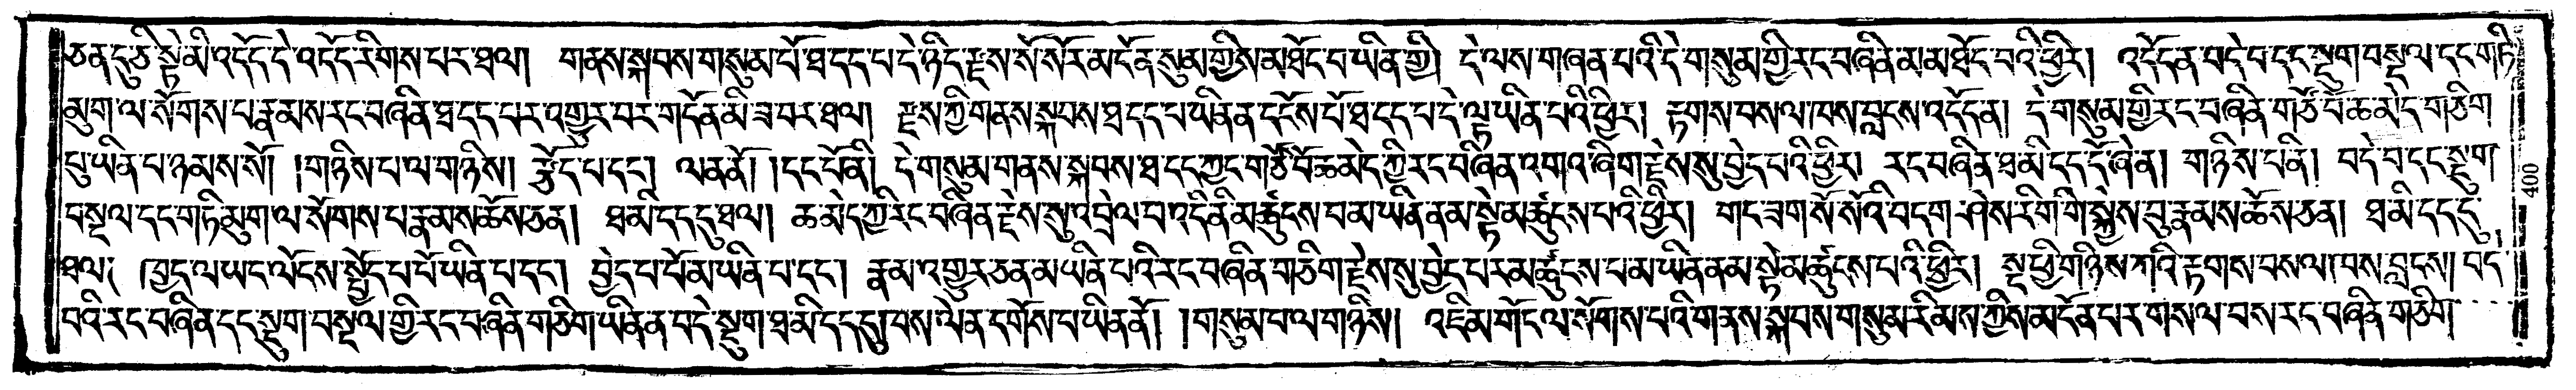ཅན་དུ་ཅི་སྟེ་མི་འདོད་དེ་འདོད་རིགས་པར་ཐལ། གནས་སྐབས་གསུམ་པོ་ཐ་དད་པ་དེ་ཉིད་རྫས་སོ་སོར་མངོན་སུམ་གྱིས་མཐོང་བ་ཡིན་གྱི། དེ་ལས་གཞན་པའི་དེ་གསུམ་གྱི་རང་བཞིན་མ་མཐོང་བའི་ཕྱིར། འདོད་ན་བདེ་བ་དང་སྡུག་བསྔལ་དང་གཏི་
མུག་ལ་སོགས་པ་རྣམས་རང་བཞིན་ཐ་དད་པར་འགྱུར་བར་གདོན་མི་ཟ་བར་ཐལ། རྫས་ཀྱི་གནས་སྐབས་ཐ་དད་པ་ཡིན་ན་དངོས་པོ་ཐ་དད་པ་དེ་ལྟ་ཡིན་པའི་ཕྱིར། རྟགས་བསལ་ཁས་བླངས་འདོད་ན། དེ་གསུམ་གྱི་རང་བཞིན་གཙོ་བོ་ཆ་མེད་གཅིག་
པུ་ཡིན་པ་ཉམས་སོ། །གཉིས་པ་ལ་གཉིས། རྩོད་པ་དང་། ལན་ནོ། །དང་པོ་ནི། དེ་གསུམ་གནས་སྐབས་ཐ་དད་ཀྱང་གཙོ་བོ་ཆ་མེད་ཀྱི་རང་བཞིན་འགའ་ཞིག་རྗེས་སུ་བྱེད་པའི་ཕྱིར། རང་བཞིན་ཐ་མི་དད་དོ་ཞེ་ན། གཉིས་པ་ནི། བདེ་བ་དང་སྡུག་
བསྔལ་དང་གཏི་མུག་ལ་སོགས་པ་རྣམས་ཆོས་ཅན། ཐ་མི་དད་དུ་ཐལ། ཆ་མེད་ཀྱི་རང་བཞིན་རྗེས་སུ་འབྲེལ་བ་འདི་ནི་མཚུངས་པ་མ་ཡིན་ནམ་སྟེ་མཚུངས་པའི་ཕྱིར། གང་ཟག་སོ་སོའི་བདག་ཤེས་རིག་གི་སྐྱེས་བུ་རྣམས་ཆོས་ཅན། ཐ་མི་དད་དུ་
ཐལ༑ ཁྱད་ལ་ཡང་ལོངས་སྤྱོད་པ་པོ་ཡིན་པ་དང་། བྱེད་པ་པོ་མ་ཡིན་པ་དང་། རྣམ་འགྱུར་ཅན་མ་ཡིན་པའི་རང་བཞིན་གཅིག་རྗེས་སུ་བྱེད་པར་མཚུངས་པ་མ་ཡིན་ནམ་སྟེ་མཚུངས་པའི་ཕྱིར། སྔ་ཕྱི་གཉིས་ཀའི་རྟགས་བསལ་ཁས་བླངས། བདེ་
བའི་རང་བཞིན་དང་སྡུག་བསྔལ་གྱི་རང་བཞིན་གཅིག་ཡིན་ན་བདེ་སྡུག་ཐ་མི་དད་དུ་ཁས་ལེན་དགོས་པ་ཡིན་ནོ། །གསུམ་པ་ལ་གཉིས། འཇིམ་གོང་ལ་སོགས་པའི་གནས་སྐབས་གསུམ་རིམས་ཀྱིས་མངོན་པར་གསལ་བས་རང་བཞིན་གཅིག་